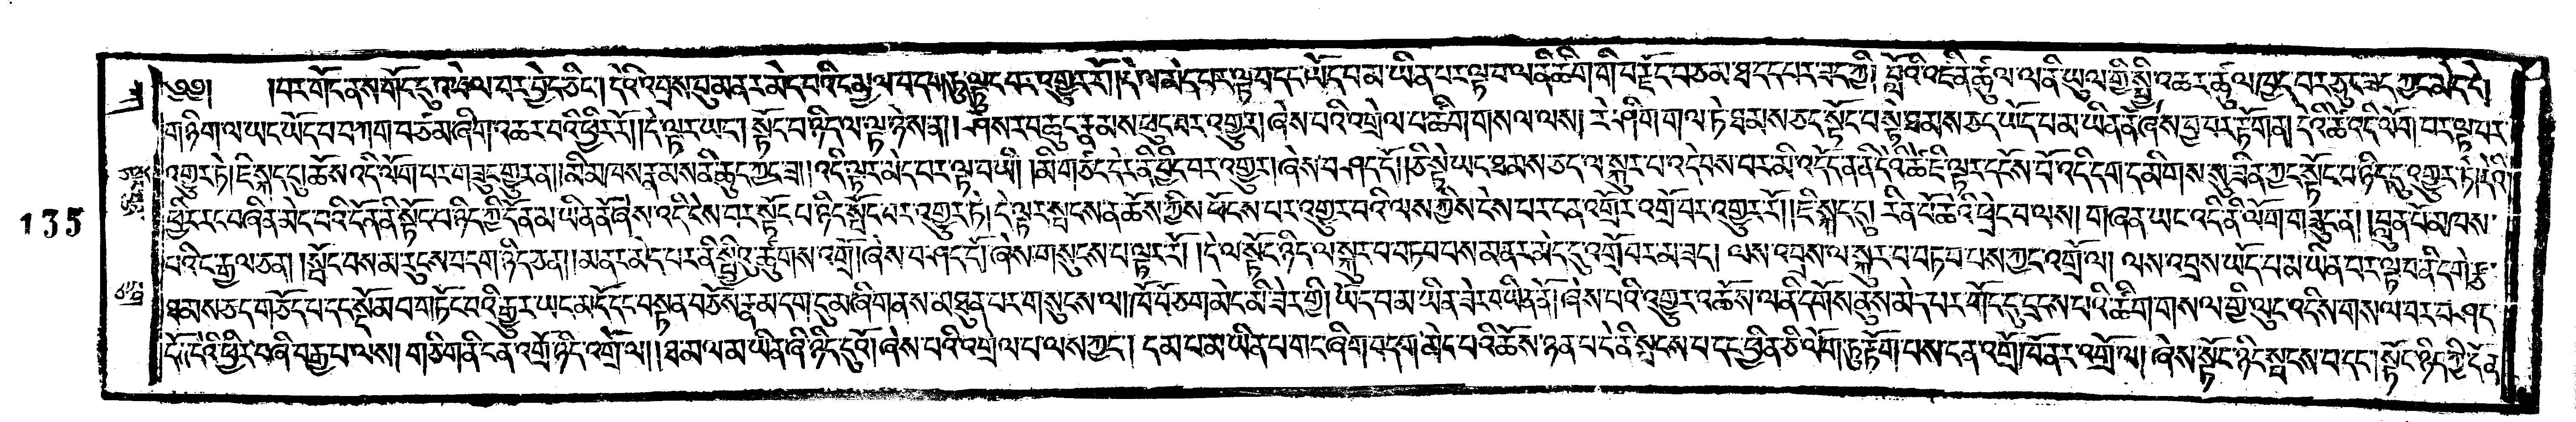༄༅། །བར་གོང་ནས་གོང་དུ་འཕེལ་བར་བྱེད་ཅིང་། དེའི་འབྲས་བུ་མནར་མེད་པའི་དམྱལ་བ་དག་ཏུ་ལྟུང་བར་འགྱུར་རོ། །དེ་ལ་མེད་པར་ལྟ་བ་དང་ཡོད་པ་མ་ཡིན་པར་ལྟ་བ་ལ་ནི་ཚིག་གི་བརྗོད་བ་ཙམ་ཐ་དད་པར་ཟད་ཀྱི། བློའི་འཛིན་ཚུལ་ལ་ནི་ཡུལ་གྱི་སྤྱི་འཆར་ཚུལ་ཁྱད་པར་ཅུང་ཟད་ཀྱང་མེད་དེ།
གཉི་ག་ལ་ཡང་ཡོད་པ་བཀག་བ་ཙམ་ཞིག་འཆར་བའི་ཕྱིར་རོ། །དེ་ལྟར་ཡང་། སྟོང་པ་ཉིད་ལ་ལྟ་ཉེས་ན། ཤེས་རབ་ཆུང་རྣམས་ཕུང་བར་འགྱུར། ཞེས་པའི་འགྲེལ་པ་ཚིག་གསལ་ལས། རེ་ཤིག་གལ་ཏེ་ཐམས་ཅད་སྟོང་པ་སྟེ་ཐམས་ཅད་ཡོད་པ་མ་ཡིན་ནོ་ཞེས་བྱ་བར་རྟོག་ན། དེའི་ཚེ་འདི་ལོག་པར་ལྟ་བར་
འགྱུར་ཏེ། ཇི་སྐད་དུ། ཆོས་འདི་ལོག་པར་གཟུང་གྱུར་ན། །མི་མཁས་རྣམས་ནི་ཆུང་ཀྱང་ཟ། །འདི་ལྟར་མེད་པར་ལྟ་བ་ཡི། །མི་གཙང་དེར་ནི་བྱིང་བར་འགྱུར། ཞེས་བཤད་དོ། །ཅི་སྟེ་ཡང་ཐམས་ཅད་ལ་སྐུར་པ་འདེབས་བར་མི་འདོད་ན་ནི་དེའི་ཚེ་ཇི་ལྟར་དངོས་པོ་འདི་དག་དམིགས་སུ་ཟིན་ཀྱང་སྟོང་པ་ཉིད་དུ་འགྱུར་ཏེ། དེའི་
ཕྱིར་རང་བཞིན་མེད་བའི་དོན་ནི་སྟོང་པ་ཉིད་ཀྱི་དོན་མ་ཡིན་ནོ་ཞེས་འདི་ངེས་བར་སྟོང་པ་ཉིད་སྤོང་བར་འགྱུར་ཏེ། དེ་ལྟར་སྤངས་ན་ཆོས་ཀྱིས་ཕོངས་?་པར་འགྱུར་བའི་ལས་ཀྱིས་ངེས་པར་ངན་འགྲོར་འགྲོ་བར་འགྱུར་རོ། །ཇི་སྐད་དུ། རིན་པོ་ཆེའི་ཕྲེང་བ་ལས། གཞན་ཡང་འདི་ནི་ལོག་གཟུང་ན། །བླུན་པོ་མཁས་
པའི་ང་རྒྱལ་ཅན། །སྤོང་བས་མ་རུངས་བདག་ཉིད་ཅན། །མནར་མེད་པར་ནི་སྤྱིའུ་ཚུགས་འགྲོ། ཞེས་བཤད་དོ། ཞེས་གསུངས་པ་ལྟར་རོ། །དེ་ལ་སྟོང་ཉིད་ལ་སྐུར་པ་བཏབ་པས་མནར་མེད་དུ་འགྲོ་བར་མ་ཟད། ལས་འབྲས་ལ་སྐུར་པ་བཏབ་པས་ཀྱང་འགྲོ་ལ། ལས་འབྲས་ཡོད་པ་མ་ཡིན་པར་ལྟ་བ་ནི་དགེ་རྩ་
ཐམས་ཅད་གཅོད་པ་དང་སྡོམ་པ་གཏོང་བའི་རྒྱུར་ཡང་མདོ་དང་བསྟན་བཅོས་རྣམ་དག་དུ་མ་ཞིག་ནས་མཐུན་པར་གསུངས་ལ། ཁོ་བོ་ཅག་མེད་མི་ཟེར་གྱི། ཡོད་པ་མ་ཡིན་ཟེར་བ་ཡིན་ནོ། ཞེས་པའི་འགྱུར་འཆོས་ལ་ནི་དགོས་ནུས་མེད་བར་གོང་དུ་དྲངས་པའི་ཚིག་གསལ་གྱི་ལུང་འདིས་གསལ་བར་བཤད་
དོ༑ ༑དེའི་ཕྱིར་བཞི་བརྒྱ་པ་ལས། གཅིག་ནི་ངན་འགྲོ་ཉིད་འགྲོ་ལ། །ཐ་མལ་མ་ཡིན་ཞི་ཉིད་དུའོ། ཞེས་པའི་འགྲེལ་པ་ལས་ཀྱང་། དམ་པ་མ་ཡིན་པ་གང་ཞིག་བདག་མེད་པའི་ཆོས་ཉན་པ་དེ་ནི་སྤངས་པ་དང་ཕྱིན་ཅི་ལོག་ཏུ་རྟོག་པས་ངན་འགྲོ་ཁོ་ནར་འགྲོ་ལ། ཞེས་སྟོང་ཉིད་སྤངས་པ་དང་། སྟོང་ཉིད་ཀྱི་དོན་